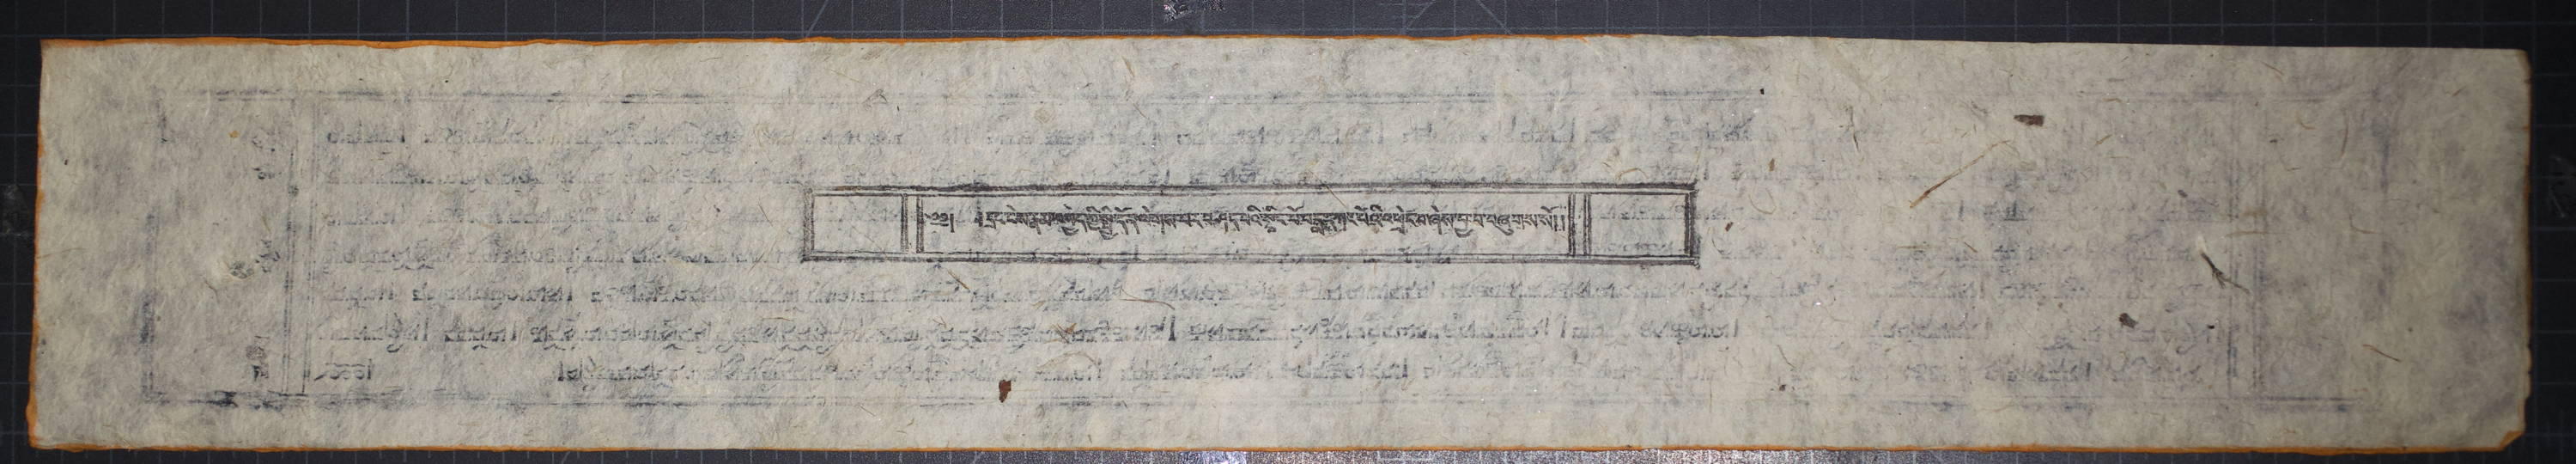༄༅། །དྲང་ངེས་རྣམ་འབྱེད་ཀྱི་སྤྱི་དོན་ལེགས་པར་བཤད་པའི་སྙིང་པོ་པད་མ་དཀར་པོའི་འཕྲེང་བ་ཞེས་བྱ་བ་བཞུགས་སོ།།